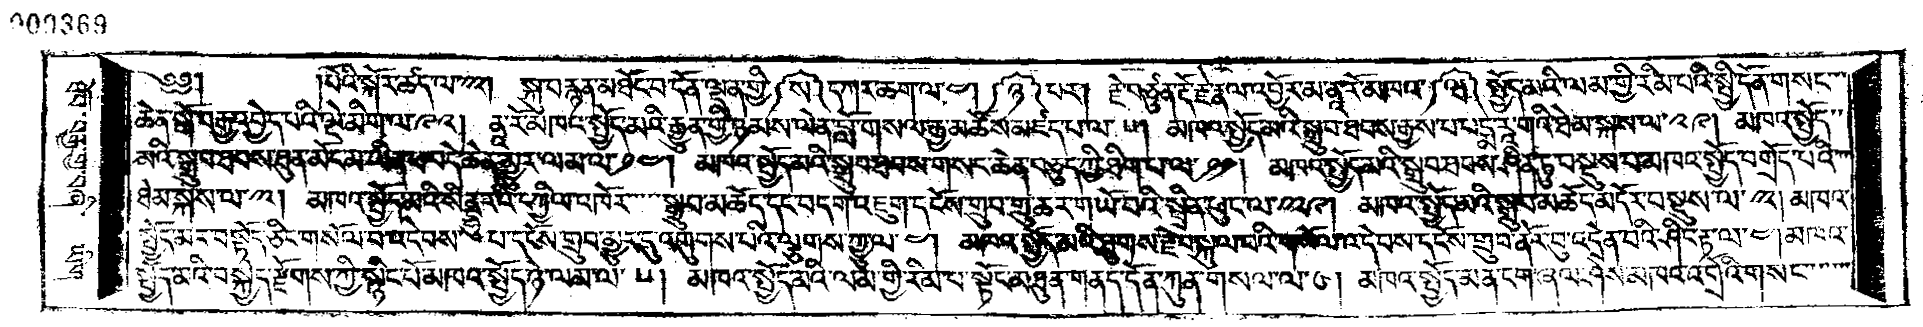༄༅། །པོའི་སྐོར་ཚད་ལ ༣། སྐུ་བརྙན་མཐོང་བ་དོན་ལྡན་གྱི ༼ས༽ དཀར་ཆག་ལ ༤། ༼ཉ༽ པར། རྗེ་བཙུན་རྡོ་རྗེ་རྣལ་འབྱོར་མ་ནཱ་རོ་མཁའ ༼ཝ༽ སྤྱོད་མའི་ལམ་གྱི་རིམ་པའི་སྤྱི་དོན་གསང་
ཆེན་སྒོ་བརྒྱ་འབྱེད་པའི་ལྡེ་མིག་ལ ༩༢། ནཱ་རོ་མཁའ་སྤྱོད་མའི་རྒྱུན་གྱི་ཉམས་ལེན་བློ་གསལ་རྒྱ་མཚོས་མཛད་པ་ལ ༥། མཁའ་སྤྱོད་མའི་སྒྲུབ་ཐབས་རྒྱས་པ་པདམ་རཱ་གའི་ཐེམ་སྐས་ལ ༢༩། མཁའ་སྤྱོད་
མའི་སྒྲུབ་ཐབས་ཐུན་མོང་མ་ཡིན་པ་བདེ་ཆེན་མྱུར་ལམ་ལ ༡༤། མཁའ་སྤྱོད་མའི་སྒྲུབ་ཐབས་གསང་ཆེན་བཅུད་ཀྱི་ཐིག་པ་ལ ༡༡། མཁའ་སྤྱོད་མའི་སྒྲུབ་ཐབས་ཤིན་ཏུ་བསྡུས་པ་མཁའ་སྤྱོད་བགྲོད་པའི་
ཐེམ་སྐས་ལ ༣། མཁའ་སྤྱོད་མའི་སིནྡྷུ་རའི་དཀྱིལ་འཁོར་སྒྲུབ་མཆོད་དང་བདག་འཇུག་དངོས་གྲུབ་གྲུ་ཆར་གཡོ་བའི་སྤྲིན་ཕུང་ལ ༣༩། མཁའ་སྤྱོད་མའི་སྒྲུབ་མཆོད་མདོར་བསྡུས་ལ ༣། མཁའ་
སྤྱོད་མར་བསྟོད་ཅིང་གསོལ་བ་འདེབས་པ་དངོས་གྲུབ་མྱུར་དུ་འགུགས་པའི་ལྕགས་ཀྱུ་ལ ༤། མཁའ་སྤྱོད་མའི་ཐུགས་རྗེ་བསྐུལ་བའི་གསོལ་འདེབས་དངོས་གྲུབ་ནོར་བུ་འདྲེན་པའི་ཤིང་རྟ་ལ ༤། མཁའ་
སྤྱོད་མའི་བསྐྱེད་རྫོགས་ཀྱི་སྙིང་པོ་མཁའ་སྤྱོད་ཉེ་ལམ་ལ ༥། མཁའ་སྤྱོད་མའི་ལམ་གྱི་རིམ་པ་སྟོང་མཐུན་གནད་དོན་ཀུན་གསལ་ལ ༦། མཁའ་སྤྱོད་མན་ངག་ཞལ་ཤེས་མཁའ་འགྲོའི་གསང་